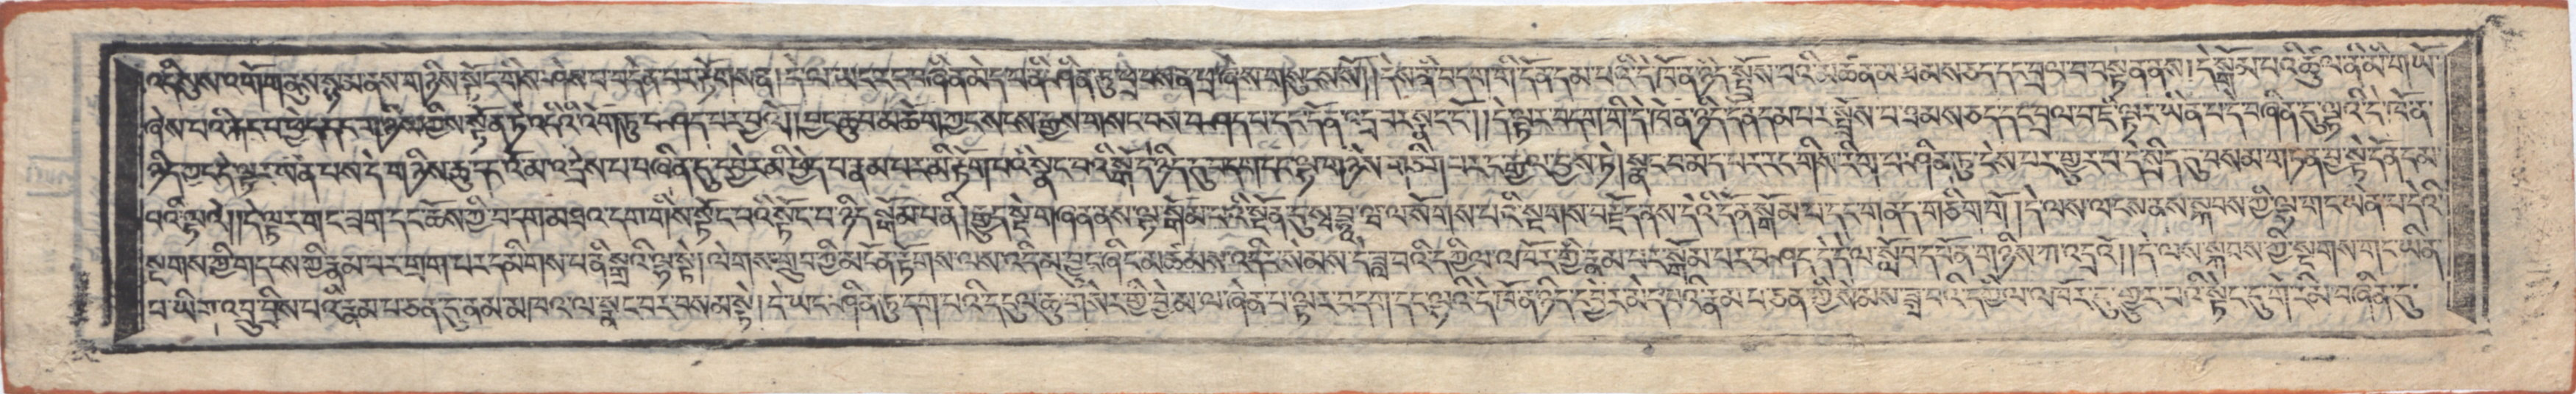འདི་སུས་འགོག་ནུས་སྙམ་ནས་གཉིས་སྟོང་གིས་ཤེས་པ་བདེན་པར་རྟོགས་ན། དེ་ལ་ཡང་རང་བཞིན་མེད་པ་ནི་ཤིན་ཏུ་ཕྲ་བས་ན་ཕྲ་ཞེས་གསུངས་སོ། །དེས་ནི་བདག་གི་དོན་དམ་པའི་དེ་ཁོ་ན་ཉིད་སྤྲོས་པའི་མཚན་མ་ཐམས་ཅད་དང་བྲལ་བ་བསྟན་ནས། དེ་སྒོམ་པའི་ཚུལ་ནི་མི་གཡོ་
ཞེས་པའི་རྐང་པ་ཕྱེད་དང་གཉིས་ཀྱིས་སྟོན་ཏེ་འདིའི་འོག་ཏུ་བཤད་པར་བྱའོ། །བྱང་ཆུབ་མཆོག་ཀྱང་སྣགས་རྒྱས་བསང་བས་བཤད་པ་དང་དོན་འདྲ་བར་སྣང་ངོ། །དེ་ལྟར་བདག་གི་དེ་ཁོ་ན་ཉིད་དོན་དམ་པར་སྤྲོས་པ་ཐམས་ཅད་དང་བྲལ་བ་ཇི་ལྟར་ཡིན་པ་དེ་བཞིན་དུ་ལྷའི་དེ་ཁོ་ན་
ཉིད་ཀྱང་དེ་ལྟར་ཡིན་པས་དེ་གཉིས་ཆུ་དང་འོ་མ་འདྲེས་པ་བཞིན་དུ་དབྱེར་མི་ཕྱེད་པ་རྣམ་པར་མི་རྟོག་པའི་སྣང་བའི་སྒོ་དེ་ཉིད་དུ་བདག་དང་ལྷ་གཉིས་གཅིག་པར་ང་རྒྱལ་བྱས་ཏེ། སྣང་བ་མེད་པར་རང་གིས་རིག་པ་ཤིན་ཏུ་ངེས་པར་གྱུར་པ་དེ་སྲིད་དུ་བསམ་གཏན་བྱ་སྟེ་དོན་དམ་
པའི་ལྷའི། །དེ་ལྟར་གང་ཟག་དང་ཆོས་ཀྱི་བདག་མཐའ་དག་གིས་སྟོང་པའི་སྟོང་པ་ཉིད་སྒོམ་པ་ནི། རྒྱུད་སྟེ་གཞན་ཨནས་ལྷ་སྒོམ་པའི་སྔོན་དུ་སྭ་བྷཱ་ཝ་ལ་སོགས་པའི་སྔགས་བརྗོད་ནས་དེའི་དོན་སྒོམ་པ་དང་གནད་གཅིག་གོ །དེ་ལས་ལངས་ནས་སྐབས་ཀྱི་ལྷ་གང་ཡིན་པ་དེའི་
སྔགས་ཀྱི་གདངས་ཀྱི་རྣམ་པར་གྲག་པར་དམིགས་པ་ནི་སྒྲའི་ལྷ་སྟེ། ལེགས་གྲུབ་ཀྱི་མངོན་རྟོགས་ལས་འདི་མ་བྱུང་ཞིང་མཚམས་འདིར་སེམས་དེ་ཟླ་བའི་དཀྱིལ་འཁོར་གྱི་རྣམ་པར་སྒོམ་པར་བཤད་དེ་དེ་ལ་སློབ་དཔོན་གཉིས་ཀ་འདྲའོ། །དེ་ལས་སྐབས་ཀྱི་སྔགས་གང་ཡིན་
པ་ཡིག་འབྲུ་བྲིས་པའི་རྣམ་པ་ཅན་དུ་ནམ་མཁའ་ལ་སྣང་བར་བསམ་སྟེ། དེ་ཡང་ཤིན་ཏུ་དག་པའི་དངུལ་ཆུ་གསེར་གྱི་བྱེ་མ་ལ་ཞེན་པ་ལྟར་བདག་དང་ལྷའི་དེ་ཁོ་ན་ཉིད་དབྱེར་མེད་པའི་རྣམ་པ་ཅན་གྱི་སེམས་ཟླ་བའི་དཀྱིལ་འཁོར་དུ་གྱུར་པའི་སྟེང་དུ་གོ་རིམ་བཞིན་དུ་